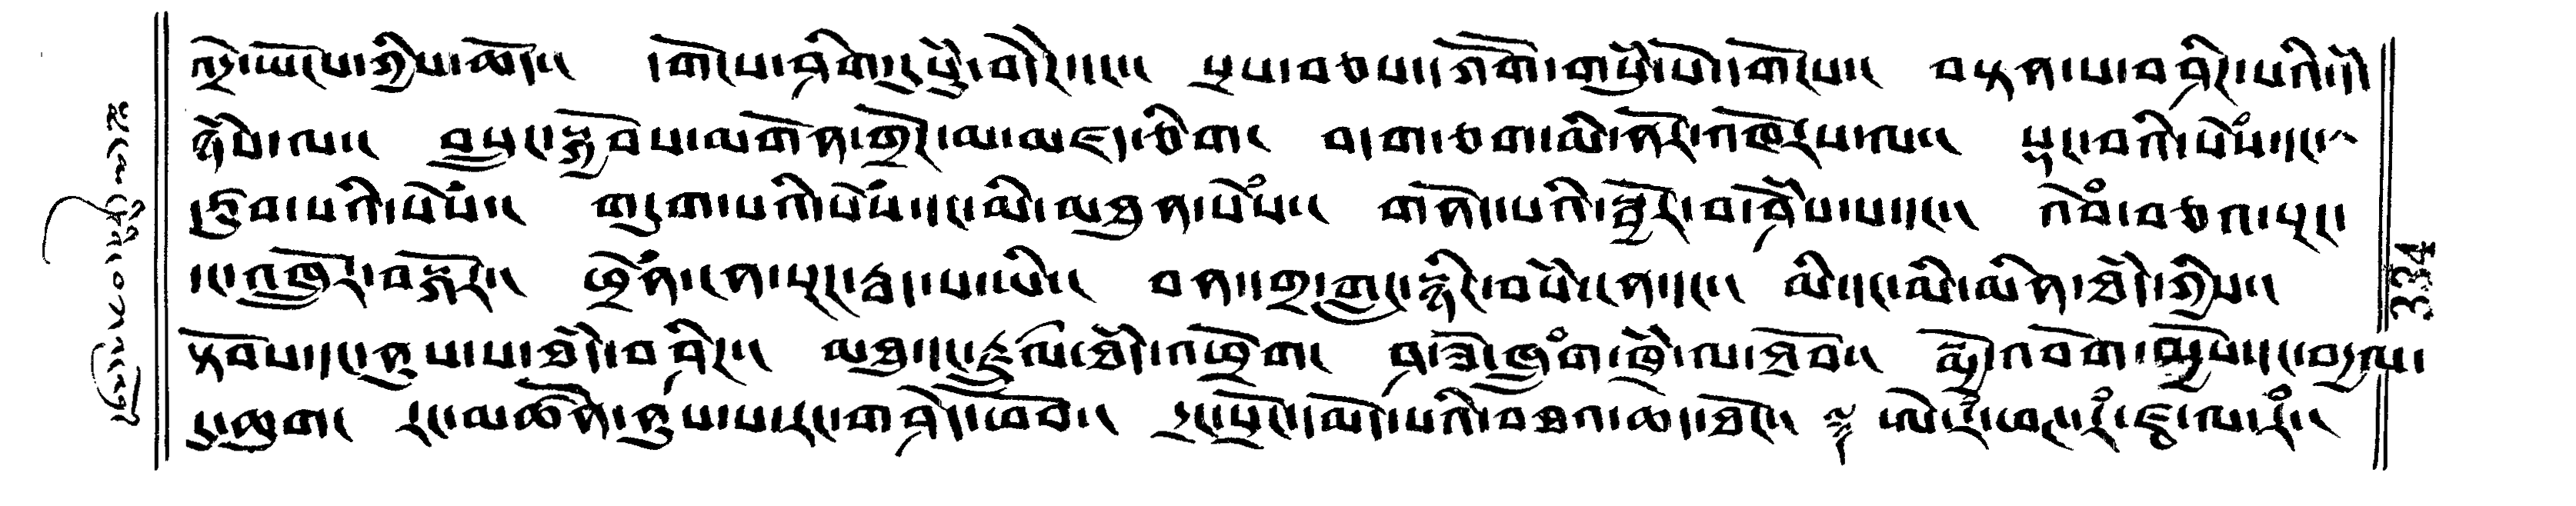འདྲེ་ཡོངས་ཀྱིས་ཆོད། །དགོངས་ཤིག་དུས་གསུམ་བདེ་གཤེགས་དང་། །སྲས་བཅས་དཀོན་མཆོག་གསུམ་པོ་དགོངས། །བསྟན་པ་གཤིག་པའི་དམ་
ཉམས་ལ། །བསྲུང་སྐྱོབས་མགོན་གྲོགས་མ་མཛད་ཅིག །བདག་ཅག་མི་ནོར་འཁོར་བཅས་ལ། །སྡང་བའི་སེམས་དང་
རྩུབ་པའི་སེམས། །གདུག་པའི་སེམས་དང་མི་མཐུན་སེམས། །གནོད་པའི་སྦྱོར་བ་གཤམས་པ་དང་། །འབེམ་བཅའ་སྔགས་
དང་འཁྲུལ་འཁོར་བསྐོར། །ཕྲ་མེན་ངན་སྔགས་རྦད་པ་ཡི། །བན་དགྲ་གླང་སྙིང་བསམ་ངན་དང་། །མི་དང་མི་མིན་ཐམས་ཅད་ཀྱིས། །
སྟོབས་དང་ནུས་པ་ཐམས་ཅད་བཤིགས། །མཐུ་དང་རྫུ་འཕྲུལ་ཐམས་ཅད་འཕྲོག །ཤ་ཟོ་ཁྲག་འཐུང་ཁྲམ་ལ་ཐོབ། །སྨྱོ་འབོག་མྱོས་དང་བརྒྱལ་
དུ་ཆུག །རང་མཚོན་ནུས་པ་རང་གཤེད་ཕོབ། །དྲང་སྲོང་དམོད་པའི་བཀའ་ཆད་ཐོང་། ཨེ་རཾ་ཕཊཿརཾ་ཛྭ་ལ་རཾ།